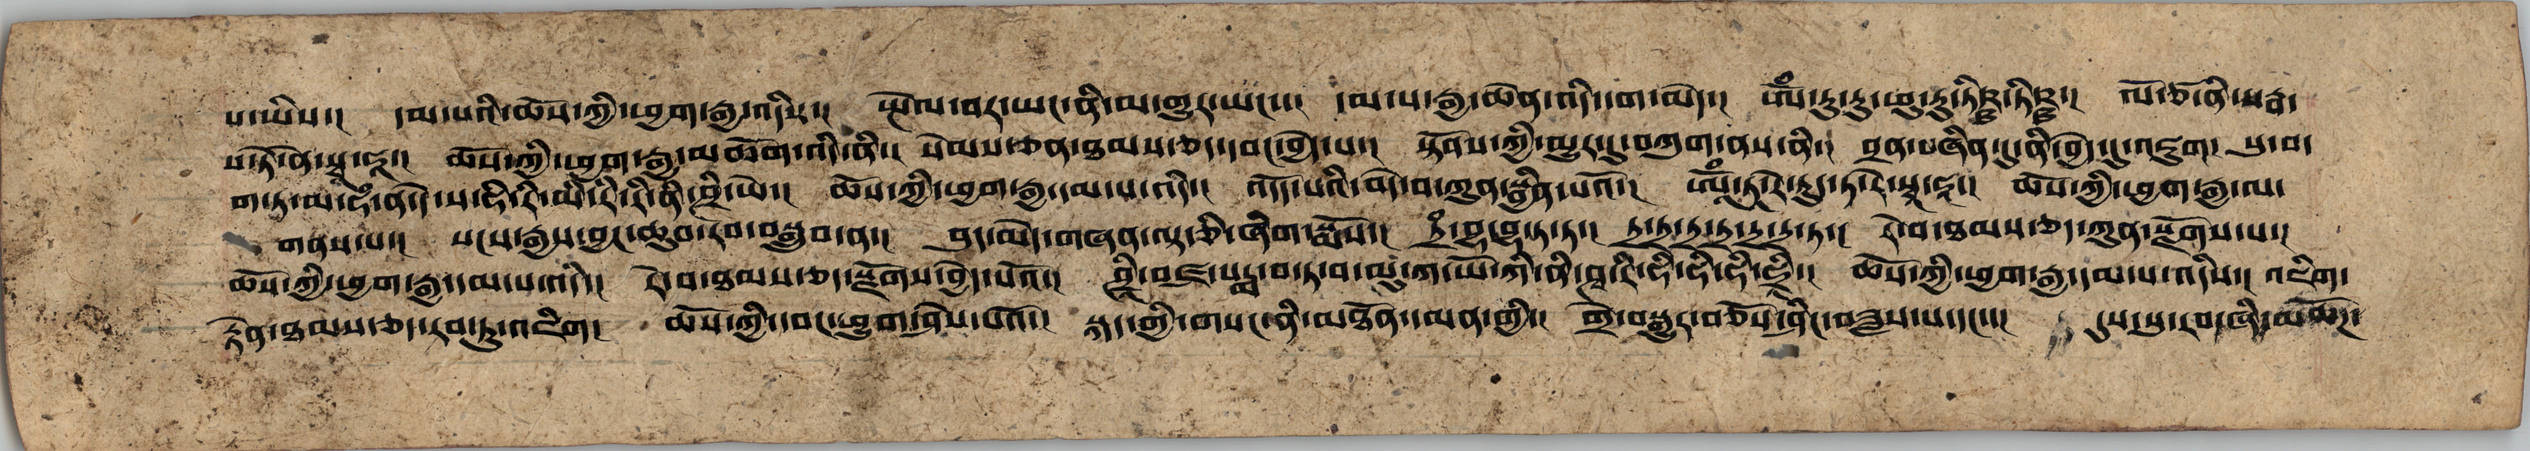པ་ཡིས་། དམ་པའི་ཆོས་ཀྱི་ཕྱག་རྒྱ་འདིས་། སྤེལ་བར་ཡང་ནི་མ་གྱུར་ཡངས་། དམ་པ་རྒྱ་ཆེན་འདི་དག་མེད་། ཨོཾ་རུ་རུ་ཕུ་རུ་ཏིཥྛ་ཏིཥྛ་། ལོ་ཙ་ནི་སརྦ་
ས་ཏེ་ནེ་སྭཱ་ཧཱ་། མོས་ཀྱི་ཕྱག་རྒྱ་མཆོག་འདི་ནི་། སེམས་ཅན་ཐམས་ཅད་དབང་བྱེད་པ་། སྟོབས་ཀྱི་མྱུར་དུ་བཀུག་ནས་ནི་། བྲན་བཞིན་དུ་ནི་བྱེད་དུ་འཇུག། སུ་བ་
ག་ཏ་མ་ཧེ་ན་དེ་ས་ཧི་རི་མི་རི་རི་ནི་ཤྲི་ཡེ་། ཆོས་ཀྱི་ཕྱག་རྒྱ་དམ་པ་འདི་། འདོད་པའི་བདེ་བ་ཀུན་སྦྱིན་པའོ་། ཨོཾ་ཏཱ་རེ་ཏུ་ཏ་རེ་སྭཱ་ཧཱ་། ཆོས་ཀྱི་ཕྱག་རྒྱ་ལ་
གནས་པ་། སངས་རྒྱས་བྱང་ཆུབ་རབ་བསྒྲུབ་ན་། བུད་མེད་གཞན་ལྟ་ཅི་ཞིག་སྨོས་། ཏྲཾ་བྷ་བྷ་ཏ་ཏ་། ཏྲ་ཏྲ་ཏྲ་ཏྲ་ཏྲ་ཏྲ་ཏ་། རེ་བ་ཐམས་ཅད་ཀུན་སྫོགས་པ་།
ཆོས་ཀྱི་ཕྱག་རྒྱ་དམ་པ་འདི་། རེ་བ་ཐམས་ཅད་སྫོགས་བྱེད་པའོ་། ཤྲཱཱི་བཛྲ་པདྨ་བ་ཏ་བ་མུ་ཀ་ཡོ་ཀི་ནི་ཤྭ་རི་ཧི་ཧི་ཧི་ཧྲི་། ཆོས་ཀྱི་ཕྱག་རྒྱ་དམ་པ་འདིས་། འཇིག་
རྟེན་ཐམས་ཅད་རབ་ཏུ་འཇིག། ཆོས་ཀྱི་དབང་ཕྱུག་ཤེས་པའོ་། སྐད་གྱི་གསང་ནི་མཐོན་དམན་གྱི་། གྲེ་བསྒྱུར་བཅོས་ཤིང་བཟླས་པ་དང་་། དུས་སུ་རབ་ཞི་མཆོཌ་